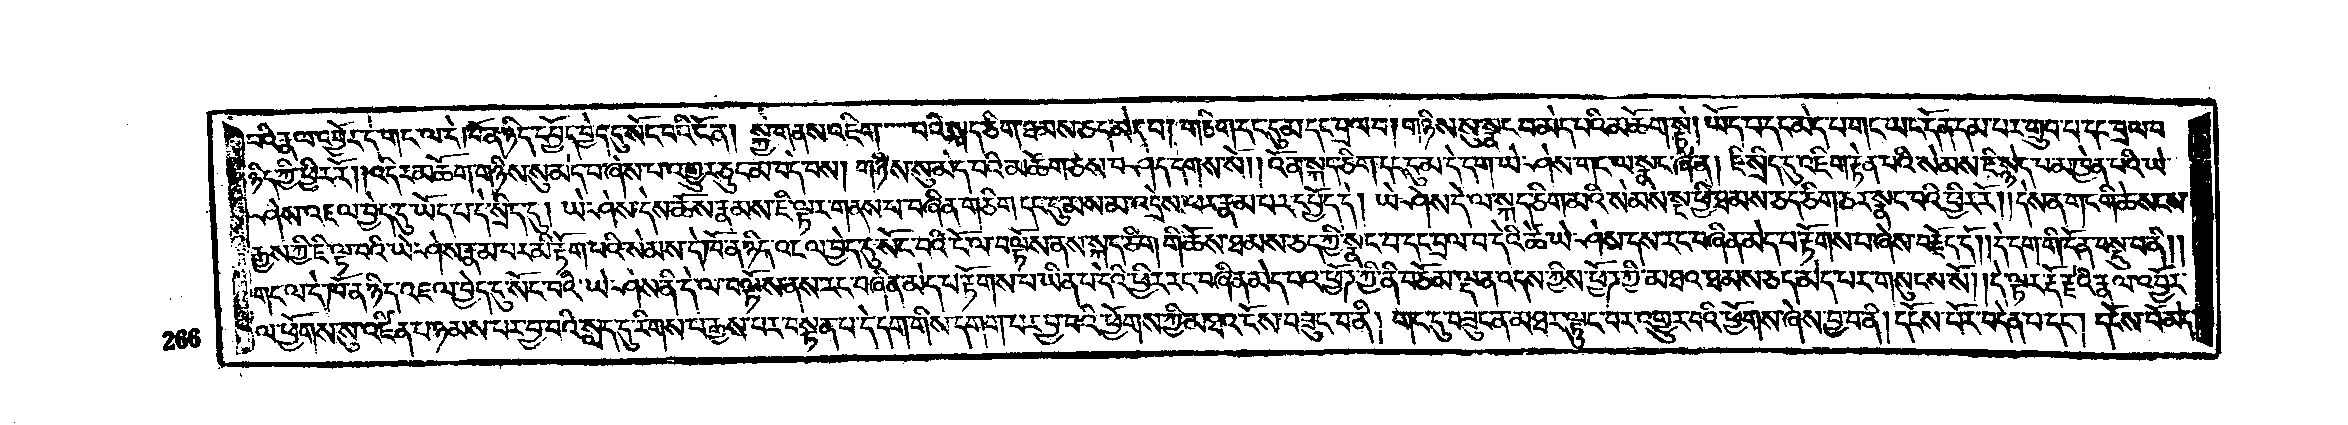པའི་རྣལ་འབྱོར་དེ་གང་ལ་དེ་ཁོ་ན་ཉིད་དཔྱོད་བྱེད་དུ་སོང་བའི་ངོ་ན། སྐྱེ་གནས་འཇོག་པའི་སྐད་ཅིག་ཐམས་ཅད་མེད་པ། གཅིག་དང་དུ་མ་དང་བྲལ་བ། གཉིས་སུ་སྣང་བ་མེད་པའི་མཆོག་སྟེ། ཡོད་པ་དང་མེད་པ་གང་ཡང་དོན་དམ་པར་གྲུབ་པ་དང་བྲལ་བ་
ཉིད་ཀྱི་ཕྱིར་རོ། །འདིར་མཆོག་གཉིས་སུ་མེད་པ་ཞེས་པ་འགྱུར་ཅུང་མ་བདེ་བས། གཉིས་སུ་མེད་པའི་མཆོག་ཅེས་བཤད་དགོས་པོ། །འོ་ན་སྐད་ཅིག་དང་དུ་མ་དེ་དག་ཡེ་ཤེས་གང་ལ་སྣང་ཞེ་ན། ཇི་སྲིད་དུ་འཇིག་རྟེན་པའི་སེམས་ཇི་སྙེད་པ་མཁྱེན་པའི་ཡེ་
ཤེས་འཇལ་བྱེད་དུ་ཡོད་པ་དེ་སྲིད་དུ། ཡེ་ཤེས་དེས་ཆོས་རྣམས་ཇི་ལྟར་གནས་པ་བཞིན་གཅིག་དང་དུ་མས་མ་འདྲེས་པར་རྣམ་པར་དཔྱོད་དེ། ཡེ་ཤེས་དེ་ལ་སྐད་ཅིག་མའི་སེམས་སྔ་ཕྱི་ཐམས་ཅད་ཅིག་ཅར་སྣང་བའི་ཕྱིར་རོ། །དེས་ན་གང་གི་ཆེ་སངས་
རྒྱས་ཀྱི་ཇི་ལྟ་བའི་ཡེ་ཤེས་རྣམ་པར་མི་རྟོག་པའི་སེམས་དེ་ཁོ་ན་ཉིད་འཇལ་བྱེད་དུ་སོང་བའི་ངོ་ལ་བལྟོས་ནས་སྐད་ཅིག་གི་ཆོས་ཐམས་ཅད་ཀྱི་སྣང་བ་དང་བྲལ་བ་དེའི་ཚེ་ཡེ་ཤེས་དས་རང་བཞིན་མེད་པ་རྟོགས་པ་ཞེས་བརྗོད་དོ། །དེ་དག་གི་དོན་བསྡུ་བ་ནི།།
གང་ལ་དེ་ཁོ་ན་ཉིད་འཇལ་བྱེད་དུ་སོང་བའི་ཡེ་ཤེས་ནི་དེ་ལ་བལྟོས་ནས་རང་བཞིན་མེད་པ་རྟོགས་པ་ཡིན་པ་དེའི་ཕྱིར་རང་བཞིན་མེད་པའི་ཕྱོགས་ཀྱི་ནི་བཅོམ་ལྡན་འདས་ཀྱིས་ཕྱོགས་ཀྱི་མཐའ་ཐམས་ཅད་མེད་པར་གསུངས་སོ། །དེ་ལྟར་རྡོ་རྗེའི་རྣལ་འབྱོར་
ལ་ཕྱོགས་སུ་འཛིན་པ་ཉམས་པར་བྱ་བའི་སླད་དུ་རིགས་པ་རྒྱས་པར་བསྟན་པ་དེ་དག་གིས་དགག་པར་བྱ་བའི་ཕྱོགས་ཀྱི་མཐའ་ངོས་བཟུང་བ་ནི། གང་དུ་བཟུང་ན་མཐར་ལྟུང་བར་འགྱུར་བའི་ཕྱོགས་ཞེས་བྱ་བ་ནི། དངོས་པོར་བདེན་པ་དང་། དངོས་པོ་མེ་